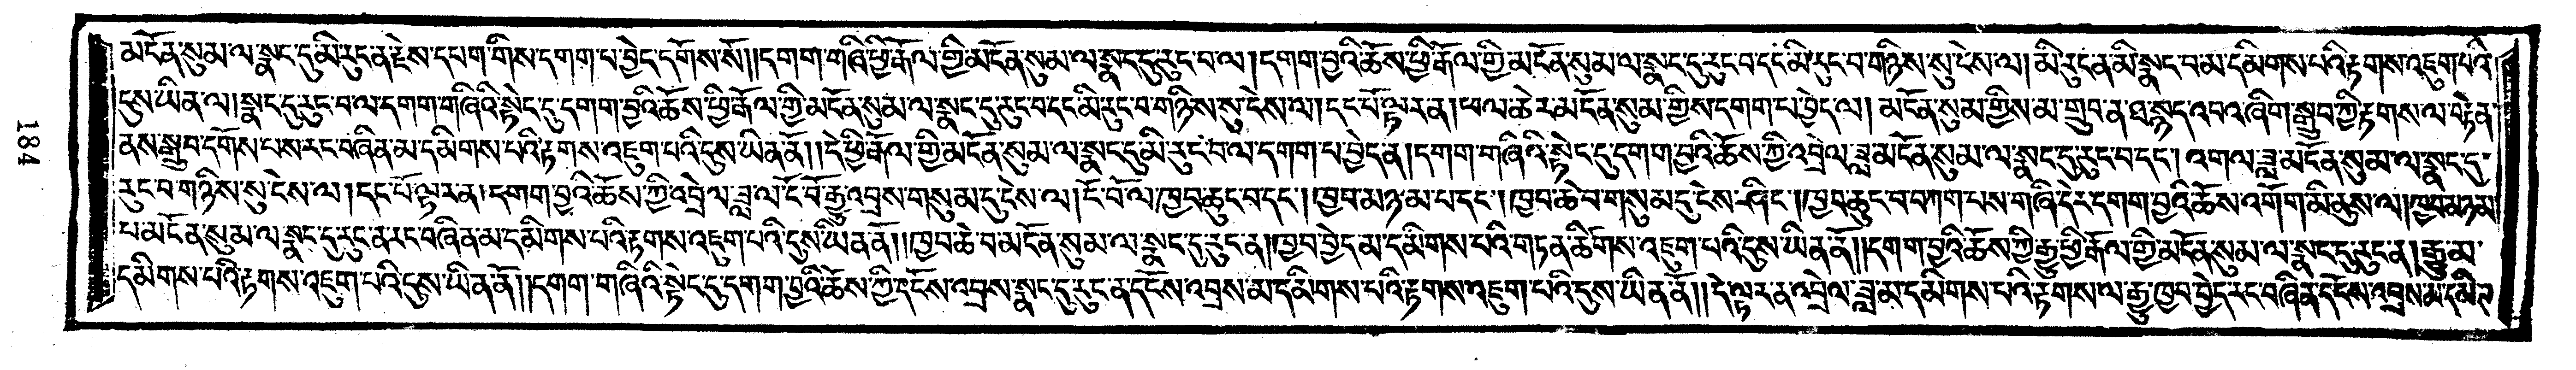མངོན་སུམ་ལ་སྣང་དུ་མི་རུང་ན་རྗེས་དཔག་གིས་དགག་པ་བྱེད་དགོས་སོ། །དགག་གཞི་ཕྱི་རྒོལ་གྱི་མངོན་སུམ་ལ་སྣང་དུ་རུང་བ་ལ། དགག་བྱའི་ཆོས་ཕྱི་རྒོལ་གྱི་མངོན་སུམ་ལ་སྣང་དུ་རུང་བ་དང་མི་རུང་བ་གཉིས་སུ་ངེས་ལ། མི་རུང་ན་མི་སྣང་བ་མ་དམིགས་པའི་རྟགས་འཇུག་པའི་
དུས་ཡིན་ལ། སྣང་དུ་རུང་བ་ལ་དགག་གཞིའི་སྟེང་དུ་དགག་བྱའི་ཆོས་ཕྱི་རྒོལ་གྱི་མངོན་སུམ་ལ་སྣང་དུ་རུང་བ་དང་མི་རུང་བ་གཉིས་སུ་ངེས་ལ། དང་པོ་ལྟར་ན། ཕལ་ཆེར་མངོན་སུམ་གྱིས་དགག་པ་བྱེད་ལ། མངོན་སུམ་གྱིས་མ་གྲུབ་ན་ཐ་སྙད་འབའ་ཞིག་སྒྲུབ་ཀྱི་རྟགས་ལ་བརྟེན་
ནས་སྒྲུབ་དགོས་པས་རང་བཞིན་མ་དམིགས་པའི་རྟགས་འཇུག་པའི་དུས་ཡིན་ནོ། །དེ་ཕྱི་རྒོལ་གྱི་མངོན་སུམ་ལ་སྣང་དུ་མི་རུང་བ་ལ་དགག་པ་བྱེད་ན། དགག་གཞིའི་སྟེང་དུ་དགག་བྱའི་ཆོས་ཀྱི་འབྲེལ་ཟླ་མངོན་སུམ་ལ་སྣང་དུ་རུང་བ་དང་། འགལ་ཟླ་མངོན་སུམ་ལ་སྣང་དུ་
རུང་བ་གཉིས་སུ་ངེས་ལ། དང་པོ་ལྟར་ན། དགག་བྱའི་ཆོས་ཀྱི་འབྲེལ་ཟླ་ལ་ངོ་བོ་རྒྱུ་འབྲས་གསུམ་དུ་ངེས་ལ། ངོ་བོ་ལ་ཁྱབ་ཆུང་བ་དང་། ཁྱབ་མཉམ་པ་དང་། ཁྱབ་ཆེ་བ་གསུམ་དུ་ངེས་ཤིང་། ཁྱབ་ཆུང་བ་བཀག་པས་གཞི་དེར་དགག་བྱའི་ཆོས་འགོག་མི་ནུས་ལ། ཁྱབ་མཉམ་
པ་མངོན་སུམ་ལ་སྣང་དུ་རུང་ན་རང་བཞིན་མ་དམིགས་པའི་རྟགས་འཇུག་པའི་དུས་ཡིན་ནོ། །ཁྱབ་ཆེ་བ་མངོན་སུམ་ལ་སྣང་དུ་རུང་ན། ཁྱབ་བྱེད་མ་དམིགས་པའི་གཏན་ཚིགས་འཇུག་པའི་དུས་ཡིན་ནོ། །དགག་བྱའི་ཆོས་ཀྱི་རྒྱུ་ཕྱི་རྒོལ་གྱི་མངོན་སུམ་ལ་སྣང་དུ་རུང་ན། རྒྱུ་མ་
དམིགས་པའི་རྟགས་འཇུག་པའི་དུས་ཡིན་ནོ། །དགག་གཞིའི་སྟེང་དུ་དགག་བྱའི་ཆོས་ཀྱི་དངོས་འབྲས་སྣང་དུ་རུང་ན་དངོས་འབྲས་མ་དམིགས་པའི་རྟགས་འཇུག་པའི་དུས་ཡིན་ནོ། །དེ་ལྟར་ན་འབྲེལ་ཟླ་མ་དམིགས་པའི་རྟགས་ལ་རྒྱུ་ཁྱབ་བྱེད་རང་བཞིན་དངོས་འབྲས་མ་དམིགས་